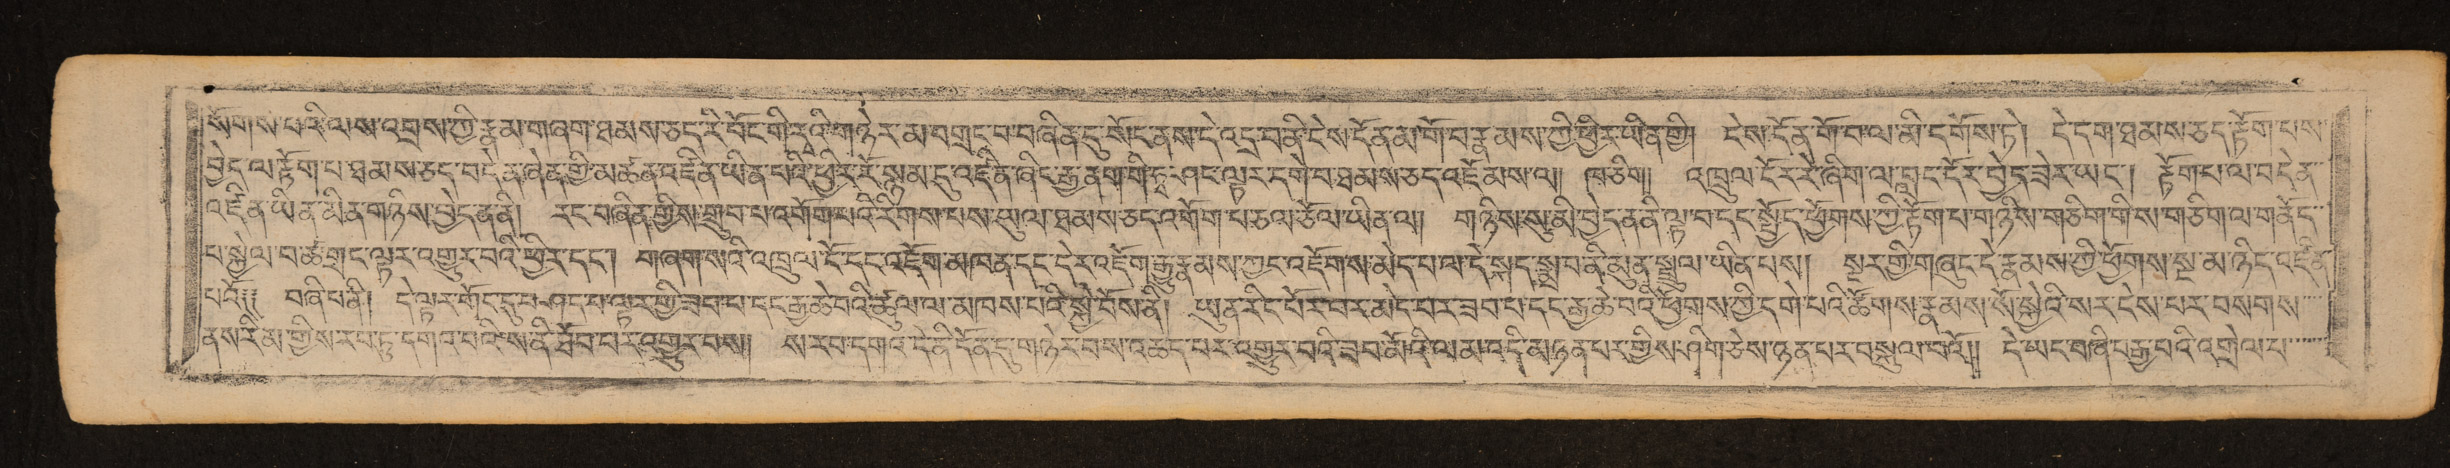སོགས་པའི་ལས་འབྲས་ཀྱི་རྣམ་གཞག་ཐམས་ཅད་རི་བོང་གི་རྭའི་གཉེར་མ་བགྲང་པ་བཞིན་དུ་སོང་ནས་དེ་འདྲ་བ་ནི་ངེས་དོན་མ་གོ་བ་རྣམས་ཀྱི་ཕྱིར་ཡིན་གྱི། ངེས་དོན་གོ་བ་ལ་མི་དགོས་ཏེ། དེ་དག་ཐམས་ཅད་རྟོག་པས་
བྱེད་ལ་རྟོག་པ་ཐམས་ཅད་བདེན་ཞེན་གྱི་མཚན་འཛིན་ཡིན་པའི་ཕྱིར་རོ་སྙམ་དུ་འཛིན་ཞིང་རྒྱ་ནག་གི་ཧྭ་ཤང་ལྟར་དགེ་བ་ཐམས་ཅད་འཇོམས་ལ། ཁ་ཅིག། འཁྲུལ་ངོར་རེ་ཞིག་ལ་བླང་དོར་བྱེད་ཟེར་ཡང་། རྟོག་པ་ལ་བདེན་
འཛིན་ཡིན་མིན་གཉིས་བྱེད་ན་ནི། རང་བཞིན་གྱིས་གྲུབ་པ་འགོག་པའི་རིགས་པས་ཡུལ་ཐམས་ཅད་འགོག་པ་ཅལ་ཅོལ་ཡིན་ལ། གཉིས་སུ་མི་བྱེད་ན་ནི་ལྟ་བ་དང་སྤྱོད་ཕྱོགས་ཀྱི་རྟོག་པ་གཉིས་གཅིག་གིས་གཅིག་ལ་གནོད་
པ་སྐྱེལ་བ་ཚ་གྲང་ལྟར་འགྱུར་བའི་ཕྱིར་དང་། གཞག་སའི་འཁྲུལ་ངོ་དང་འཇོག་མཁན་དང་དེར་འཇོག་རྒྱུ་རྣམས་ཀྱང་འཇོག་ས་མེད་པ་ལ་དེ་སྐད་སྨྲ་བ་ནི་མུན་སྤྲུལ་ཡིན་པས། སྔར་གྱི་གཞུང་དེ་རྣམས་ཀྱི་ཕྱོགས་སྔ་མ་ཉིད་འཛིན་
པའོ༑༑ བཞི་པ་ནི། དེ་ལྟར་གོང་དུ་བཤད་པ་ལྟར་གྱི་ཟབ་པ་དང་རྒྱ་ཆེ་བའི་ཚུལ་ལ་མཁས་པའི་སྐྱེ་བོས་ནི། ཡུན་རིང་པོར་བར་མེད་པར་ཟབ་པ་དང་རྒྱ་ཆེ་བའི་ཕྱོགས་ཀྱི་དགེ་བའི་ཚོགས་རྣམས་སོ་སྐྱེའི་སར་ངེས་པར་བསགས་
ནས་རིམ་གྱིས་རབ་ཏུ་དགའ་བའི་ས་ནི་ཐོབ་པར་འགྱུར་བས། ས་རབ་དགའ་དེ་ནི་དོན་དུ་གཉེར་བས་འཆད་པར་འགྱུར་བའི་ཟབ་མོའི་ལམ་འདི་མཉན་པར་གྱིས་ཤིག་ཅེས་ཉན་པར་བསྐུལ་པའོ།། དེ་ཡང་བཞི་བརྒྱ་བའི་འགྲེལ་པ་